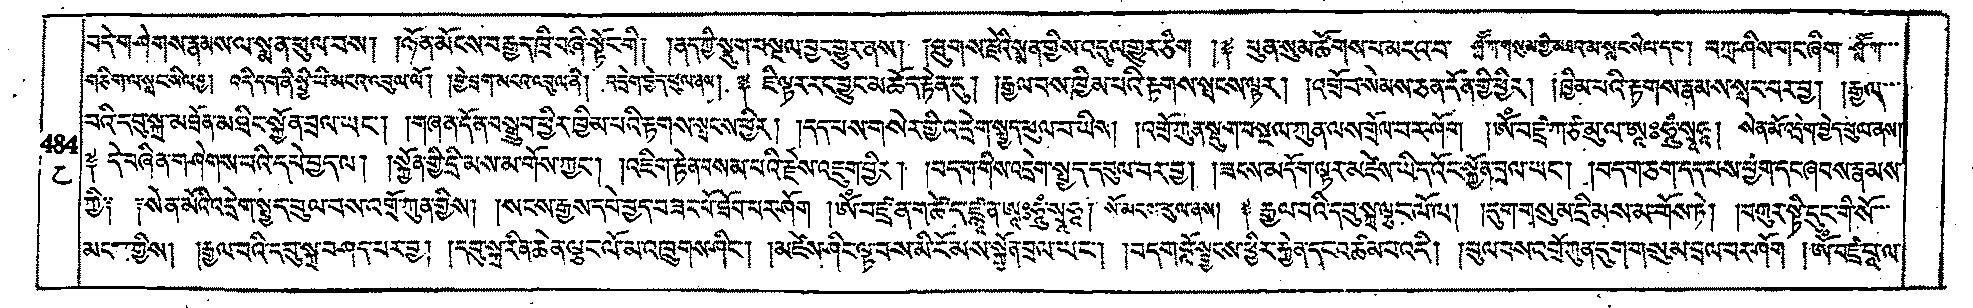བདེ་གཤེགས་རྣམས་ལ་སྨན་ཕུལ་བས། །ཉོན་མོངས་བརྒྱད་ཁྲི་བཞི་སྟོང་གི། །ནད་ཀྱི་སྡུག་བསྔལ་བྱང་གྱུར་ནས། །ཐུགས་རྗེའི་སྨན་གྱིས་འདུལ་གྱུར་ཅིག ། འ་ཕུན་སུམ་ཚོགས་པ་མངའ་བ་ཤླཽ་ཀ་གསུམ་གྱི་མཐའ་མ་སླང་སིལ་དང་། བཀྲ་ཤིས་གང་ཞིག་ཤླཽ་ཀ་
གཅིག་ལ་སླང་སིལ་བྱ། འདི་དག་ནི་སྤྱི་ཡི་མངའ་འབུལ་ལོ། །བྱེ་བྲག་མངའ་འབུལ་ལོ། །འདྲེག་བྱེད་ཕུལ་ནས་འ་ཇི་ལྟར་རང་བྱུང་མཆོད་རྟེན་དུ། །རྒྱལ་བས་ཁྱིམ་པའི་རྟགས་སྤངས་ལྟར། །འགྲོ་བ་སེམས་ཅན་དོན་གྱི་ཕྱིར། །ཁྱིམ་པའི་རྟགས་རྣམས་སྤང་བར་བྱ། །རྒྱལ་
བའི་དབུ་སྐྲ་མཐོན་མཐིང་སྐྱོན་བྲལ་ཡང་། །གཞན་དོན་བསྒྲུབ་ཕྱིར་ཁྱིམ་པའི་རྟགས་སྤངས་ཕྱིར། །དད་པས་གསེར་གྱི་འདྲེག་སྤྱད་ཕུལ་བ་ཡིས། །འགྲོ་ཀུན་སྡུག་བསྔལ་ཀུན་ལས་གྲོལ་བར་ཤོག །ཨོཾ་བཛྲ་ཀ་ཙ་མུ་ལ་ཨཱཿཧཱུཾ་སྭཱཧཱ། སེན་མོ་འདྲེག་བྱེད་ཕུལ་ནས།
འ་དེ་བཞིན་གཤེགས་པའི་དཔེ་བྱད་ལ། སྐྱོན་གྱི་དྲི་མས་མ་གོས་ཀྱང་། །འཇིག་རྟེན་བསམ་པའི་རྗེས་འཇུག་ཕྱིར། །བདག་གིས་འདྲེག་སྤྱད་དབུལ་བར་བྱ། །ཟངས་མདོག་ལྟར་མཛེས་ཡིད་འོང་སྐྱོན་བྲལ་ཡང་། །བདག་ཅག་དད་པས་ཕྱག་དང་ཞབས་རྣམས་
ཀྱི༑ ༑སེན་མོའི་འདྲེག་སྤྱད་ཕུལ་བས་འགྲོ་ཀུན་གྱིས། །སངས་རྒྱས་དཔེ་བྱད་བཟང་པོ་ཐོབ་པར་ཤོག །ཨོཾ་བཛྲ་ན་ག་ཚེ་ད་ཛྙཱ་ན་ཨཱཿ ཧཱུཾ་སྭཱཧཱ། སོ་མངས་ཕུལ་ནས།  འ་རྒྱལ་བའི་དབུ་སྐྲ་ལྕང་ལོ་ལ། །དུག་གསུམ་དྲི་མས་མ་གོས་ཏེ། །བཀུར་སྟི་དུང་གི་སོ་
མངས་གྱིས། །རྒྱལ་བའི་དབུ་སྐྲ་བཤད་པར་བྱ། །དབུ་སྐྲ་རིན་ཆེན་ལྕང་ལོ་མ་འཁྲུགས་ཤིང་། །མཛེས་ཤིང་ལྟ་བས་མི་ངོམས་སྐྱོན་བྲལ་ཡང་། །བདག་བློ་སྦྱངས་ཕྱིར་རྐྱེན་དང་འཚམ་པ་འདི། །ཕུལ་བས་འགྲོ་ཀུན་དུག་གསུམ་བྲལ་བར་ཤོག །ཨོཾ་བཛྲ་པཱ་